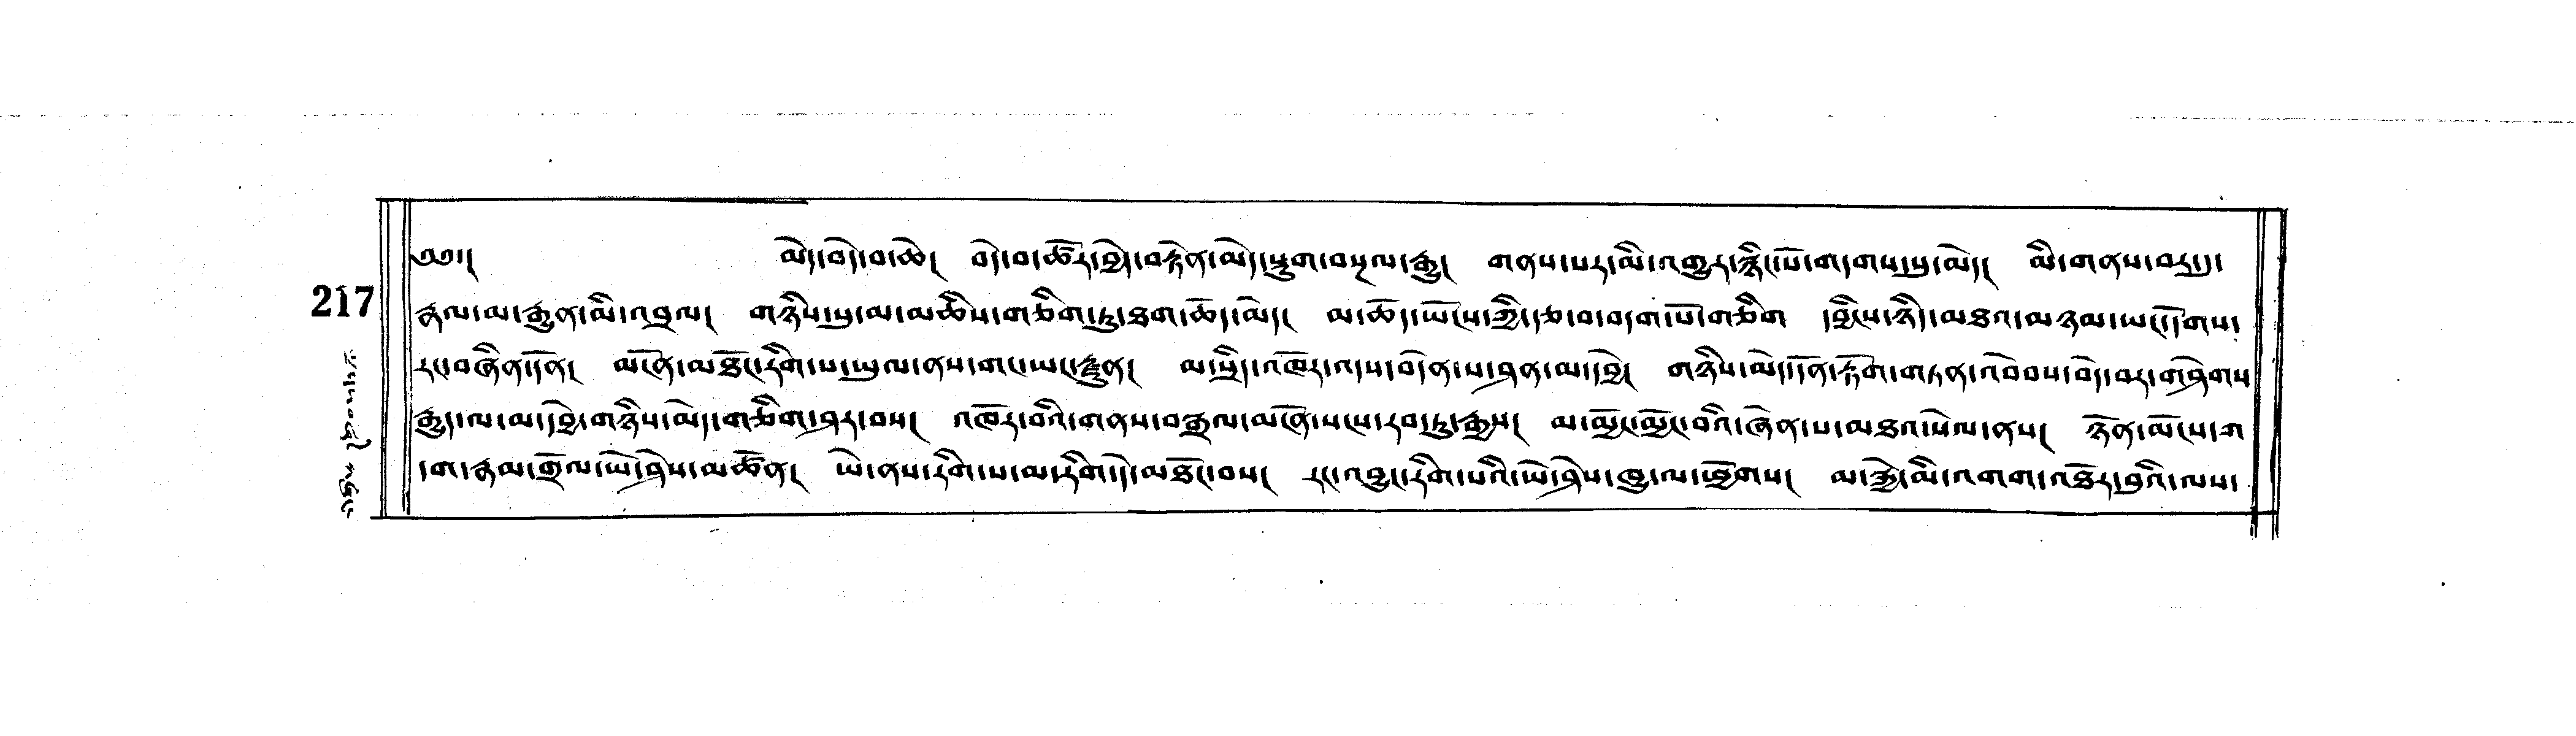བདེ་བ་ཆེ། བདེ་བ་ཚོར་བྱེད་རྟེན་མེད་སྡུག་བསྔལ་རྒྱུ། གནས་པར་མི་འགྱུར་སྙིང་པོ་གདགས་སུ་མེད། མི་གནས་བར་དུ་
རྣལ་མ་རྒྱུན་མི་འབྲལ། གཉིས་སུ་མ་མཆིས་གཅིག་ཏུ་ཐག་ཆོད་མེད། མ་ཆོད་ཡོངས་ཀྱི་རྩ་བ་བདག་པོ་གཅིག དབྱིངས་ཉིད་མཐའ་མཉམ་ཡང་དྭོག་
རང་བཞིན་དོན། མངོན་མཐོང་རིག་པ་ཡུལ་ནས་གང་ཡང་རྫུན། མ་སྲིད་འཁོར་འདས་བདེན་པ་ཤན་མ་དབྱེ། གཉིས་མེད་དོན་རྟོགས་གཏན་འབེབས་བདེ་བར་གཤེགས། 
རྒྱུད་ལ་མ་དབྱེ་གཉིས་མེད་གཅིག་ཤར་བས། འཁོར་བའི་གནས་བྲལ་མངོན་སངས་རབ་ཏུ་རྒྱས། མ་མྱོང་མྱོང་བའི་ཞེན་པ་མཐའ་སེལ་ནས། ཉོན་མོངས་ཀ་
དག་རྣམ་གྲོལ་ཡེ་ཤེས་མཚོན། ཡེ་ནས་རིག་པ་མ་རིག་དེ་མཐོང་བས། རང་འབྱུང་རིག་པའི་ཡེ་ཤེས་ཁྱུ་ལ་ཕྱོགས། མ་སྐྱེ་མི་འགག་འཐོར་བུའི་ལས་